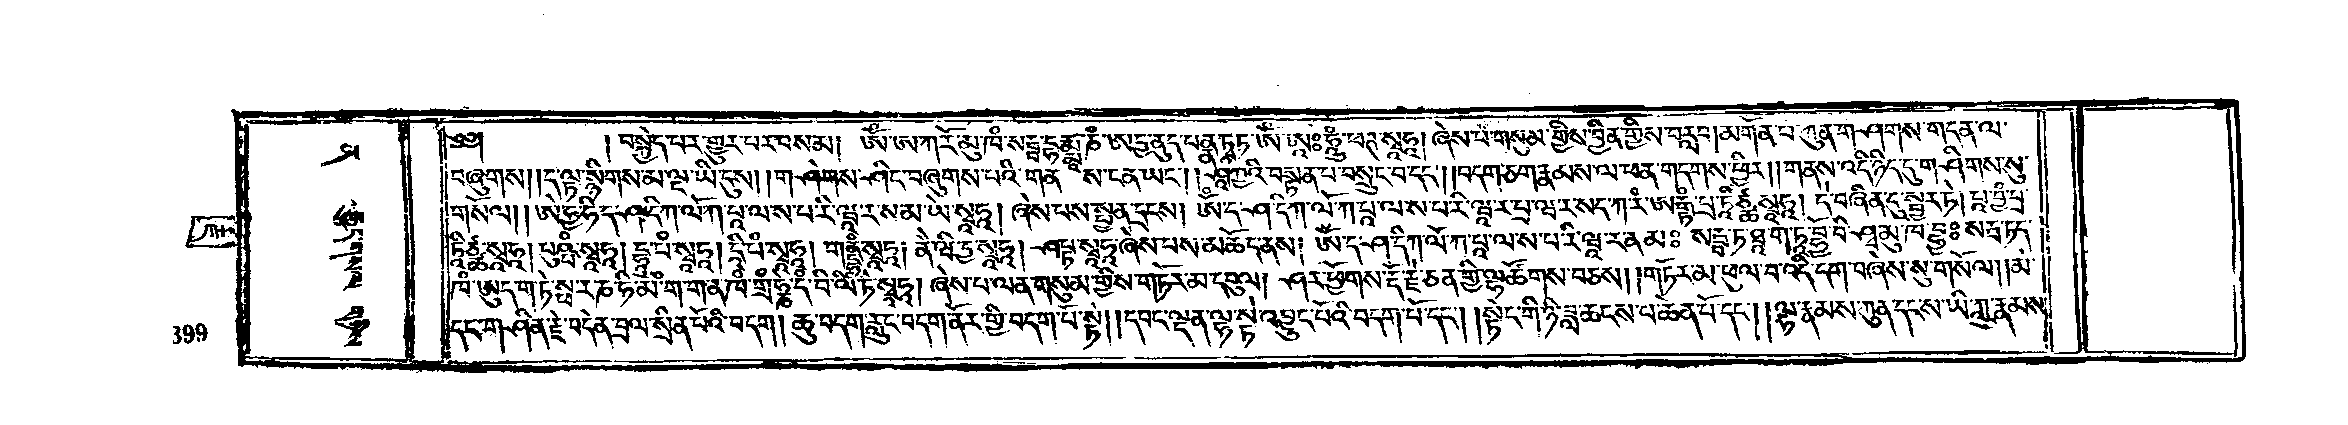༄༅། །བསྐྱེད་པར་གྱུར་པར་བསམ། ཨོཾ་ཨ་ཀ་རོ་མུ་ཁཾ་སརྦྦ་དྷརྨྨཱ་ཎཾ་ཨདཡ་ནུད་པནྣ་ཏྭ་ཏ་ཨོཾ་ཨཱཿ ཧཱུཾ་ཕཊ་སྭཱཧཱ། ཞེས་པ་གསུམ་གྱིས་བྱིན་གྱིས་བརླབ། མགོན་པོ་ཀུན་གཤེགས་གདན་ལ་
བཞུགས། །ད་ལྟ་སྙིགས་མ་ལྔ་ཡི་དུས། །གཤེགས་ཤིང་བཞུགས་པའི་གནས་ངན་ཡང་། །ཤཱཀྱའི་བསྟན་པ་བསྲུང་བ་དང་། །བདག་ཅག་རྣམས་ལ་ཕན་གདགས་ཕྱིར། །གནས་འདི་ཉིད་དུ་གཤེགས་སུ་
གསོལ། །ཨེ་ཧཡ་ཧི་ད་ཤ་དི་ཀ་ལོ་ཀ་པཱ་ལ་ས་པ་རི་ཝཱ་ར་ས་མ་ཡེ་སྭཱཧཱ། ཞེས་པས་སྤྱན་དྲངས། ཨོཾ་ད་ཤ་དིཀ་ལོ་ཀ་པཱ་ལ་ས་པ་རི་ཝཱ་ར་པྲ་ཝ་ར་སད་ཀ་རཾ་ཨརྒྷཾ་པྲ་ཏཱི་ཙྪ་སྭཱཧཱ། དེ་བཞིན་དུ་སྦྱར་ཏེ། པཱ་དྱཾ་པྲ་
ཏཱི་ཙྪ་
ཨཧཱ། པུཥྤཾ་སྭཱཧཱ། དྷཱི་པཾ་སྭཱཧཱ། དཱི་པཾ་སྭཱཧཱ། གནྡྷཾ་སྭཱཧཱ། ནཻ་ཝི་དཡ་སྭཱཧཱ། ཤཔྟ་སྭཱཧཱ་ཞེས་པས་མཆོད་ནས། ཨོཾ་ད་ཤ་དིཀ་ལོ་ཀ་པཱ་ལ་ས་པ་རི་ཝཱ་ར་ན་མཿ སརྦྦ་ཏ་ཐཱ་ག་ཏཱ་བྷཡོ་བི་ཤྭ་མུ་ཁ་བྷཡཿ སརྦ་ཏད་
ཁཾ་ཨུད་ག་ཏེ་སྤ་ར་ཎ་ཧི་མཾ་ག་ག་ན་ཁཾ་གྲི་ཧྞེ་དཾ་བི་ལི་ཏེ་སྭཱཧཱ། ཞེས་པ་ལན་གསུམ་གྱིས་གཏོར་མ་དབུལ། ཤར་ཕྱོགས་རྡོ་རྗེ་ཅན་གྱི་ལྷ་ཚོགས་བཅས། །གཏོར་མ་ཕུལ་བ་འདི་དག་བཞེས་སུ་གསོལ། །མེ་
དང་གཤིན་རྗེ་བདེན་བྲལ་སྲིན་པོའི་བདག །ཆུ་བདག་རླུང་བདག་ནོར་གྱི་བདག་པོ་སྟེ། །དབང་ལྡན་ལྷ་སྟེ་འབྱུང་པོའི་བདག་པོ་དང་། སྟེང་གི་ཉི་ཟླ་ཆངས་པ་ཆེན་པོ་དང་། །ལྷ་རྣམས་ཀུན་དང་ས་ཡི་ཀླུ་རྣམས་